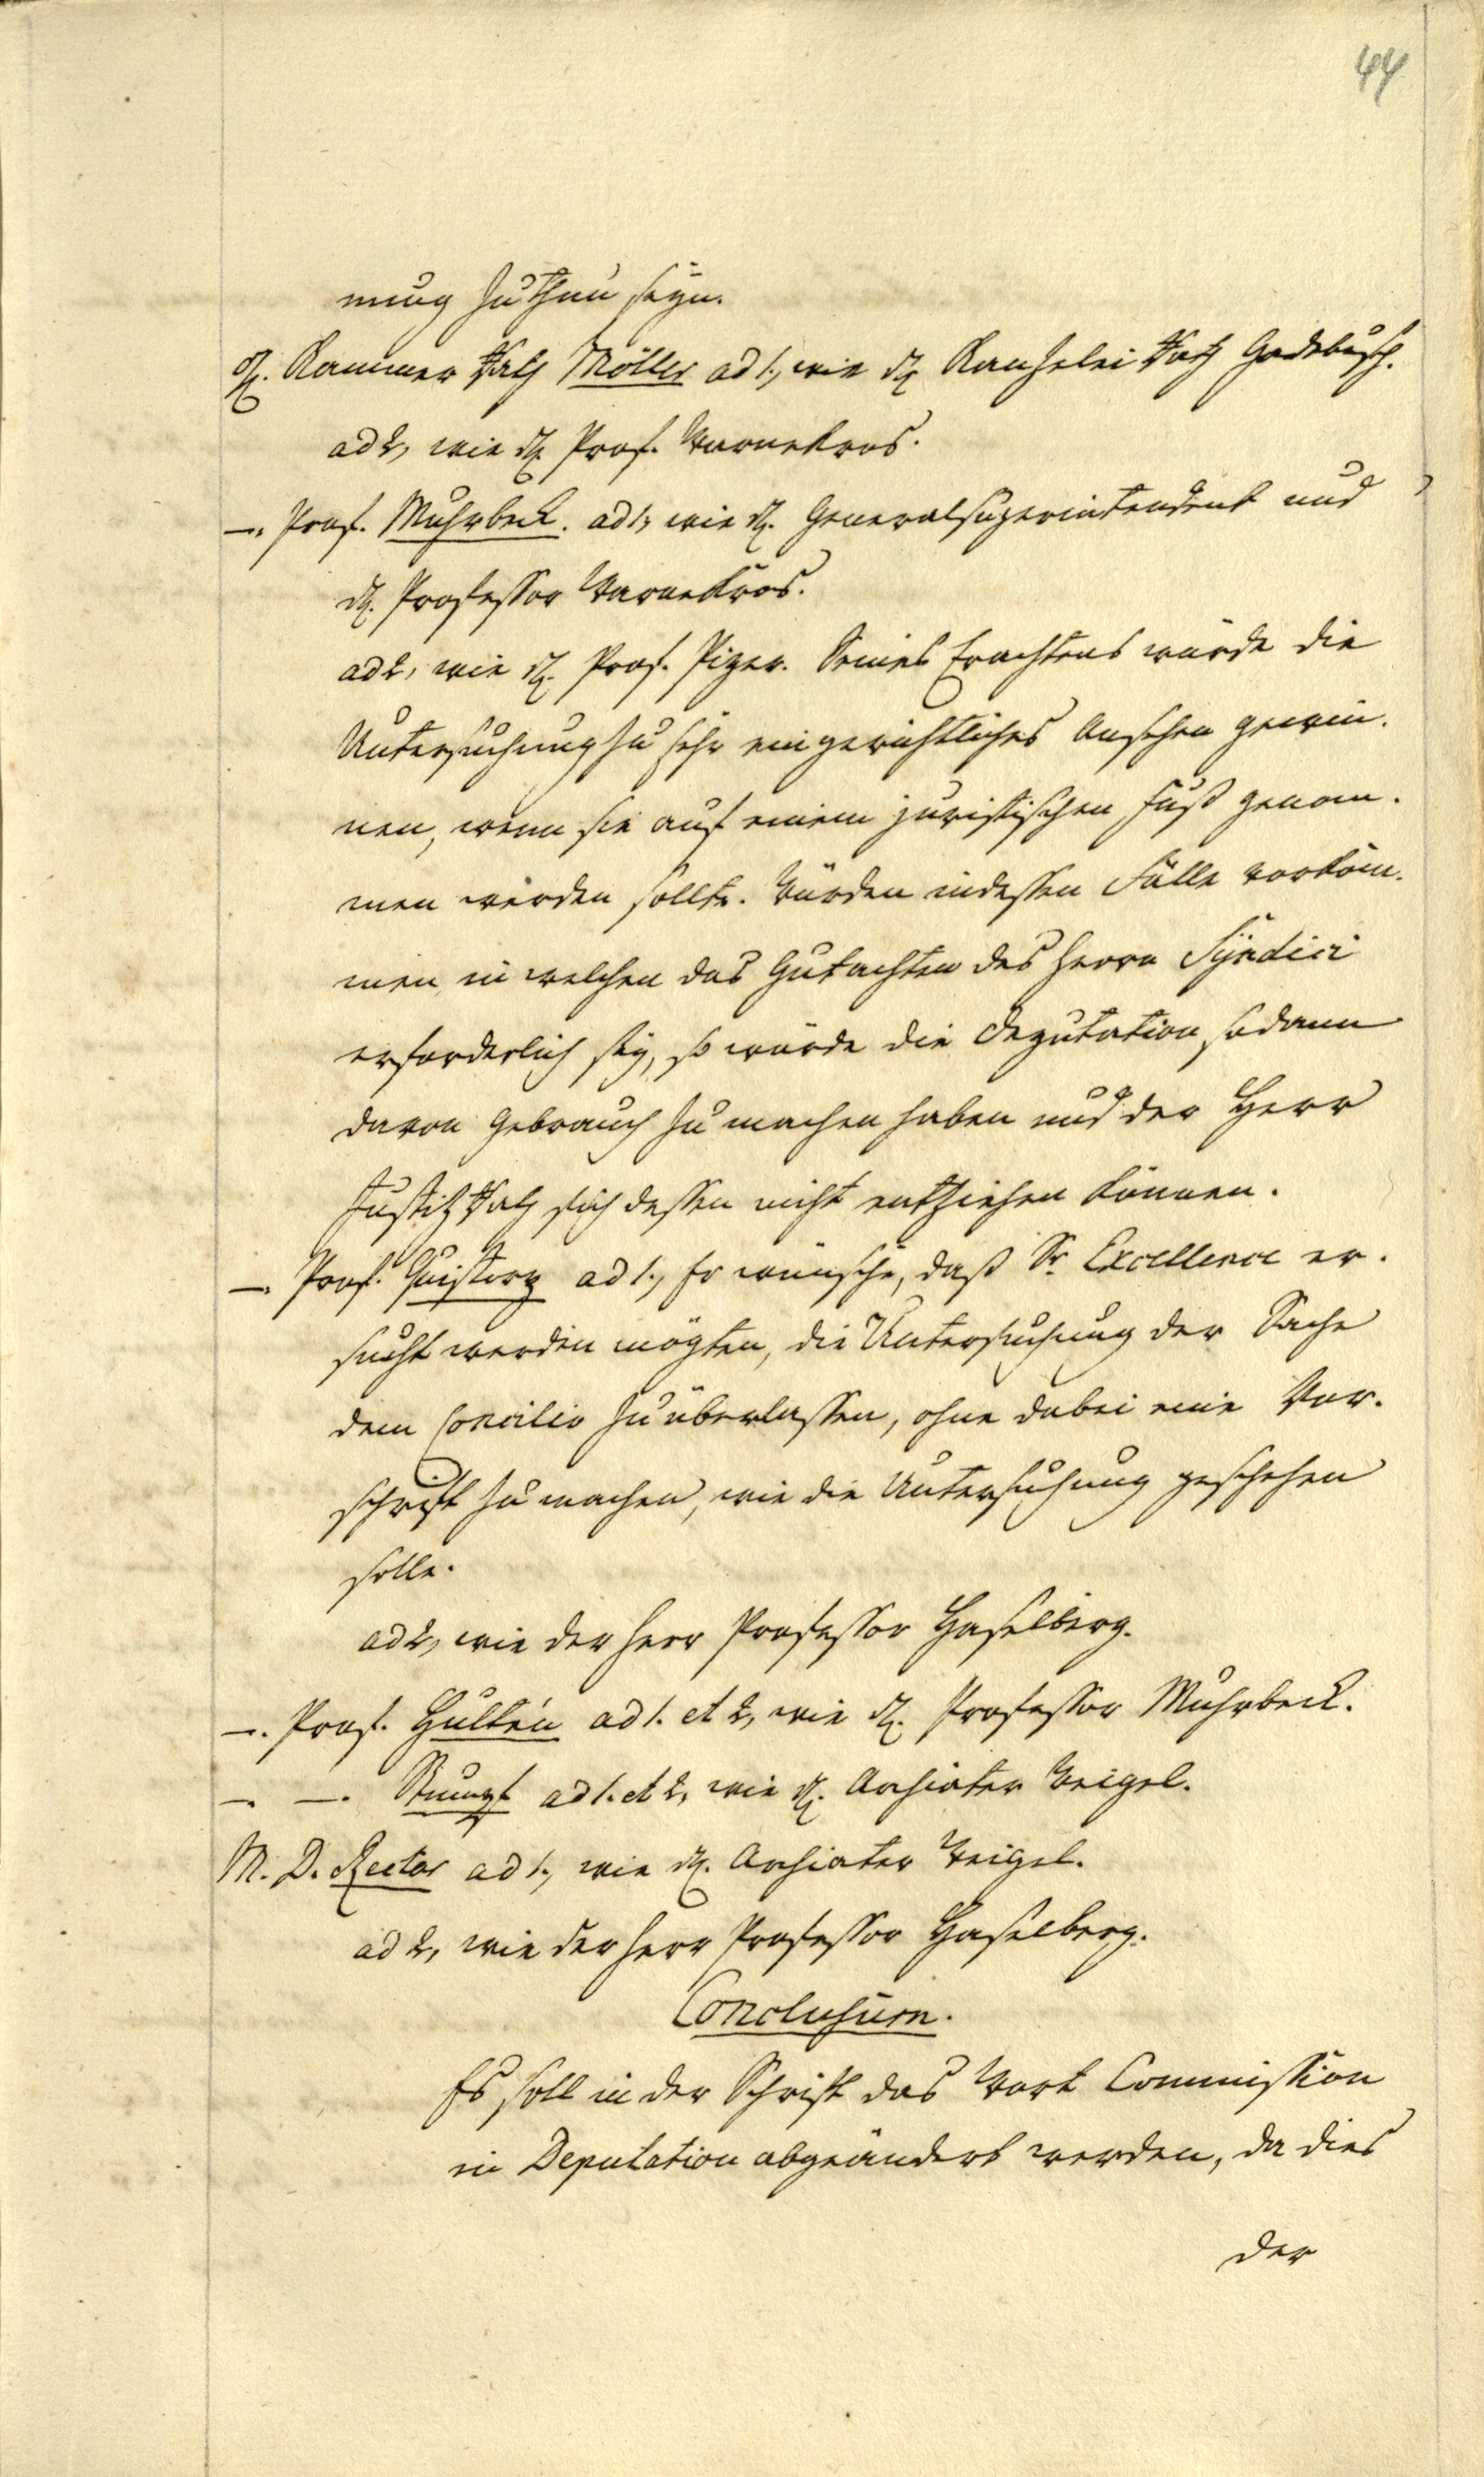nung zu thun seÿn.
dh. Kammer Rath Möller ad 1., wie dh. Kanzelei Rath Gadebusch.
ad 2., wie dh. Prof. Warnekros.
— . Prof. Muhrbeck. ad 1, wie dh. Generalsuperintendent und
dh. Professor Warnekros.
ad 2, wie dh. Prof. Piper. Seines Erachtens würde die
Untersuchung zu sehr ein gewichtliches Ansehen gewin¬
nen, wenn sie auf einem juristischen Fuß genom-
nen werden sollte. Würden indessen Fälle vorkom
men in welchen das Gutachten des Herrn Sÿndici
erforderlich seÿ, so würde die Deputation sodann
davon Gebrauch zu machen haben und der Herr
Justiz Rath sich dessen nicht entziehen können.
— Prof. Quistorp ad 1., Er wünsche, daß Sr Excellence er¬
sucht werden mögten, die Untersuchung der Sache
dem Concilio zu überlassen, ohne dabei eine Vor¬
schrift zu machen, wie die Untersuchung geschehen
solle.
ad 2, wie der Herr Professor Haselberg.
— . Prof. Hultén ad 1. et 2, wie dh. Professor Muhrbeck.
- — . Stumpf ad 1. et 2. wie dh. Archiater Weigel.
M. D. Rector ad 1., wie dh. Archiater Weigel.
ad 2, wie der Herr Professor Haselberg.
Conclusum.
Es soll in der Schrift das Wort Commission
in Deputation abgeändert werden, da dies
der